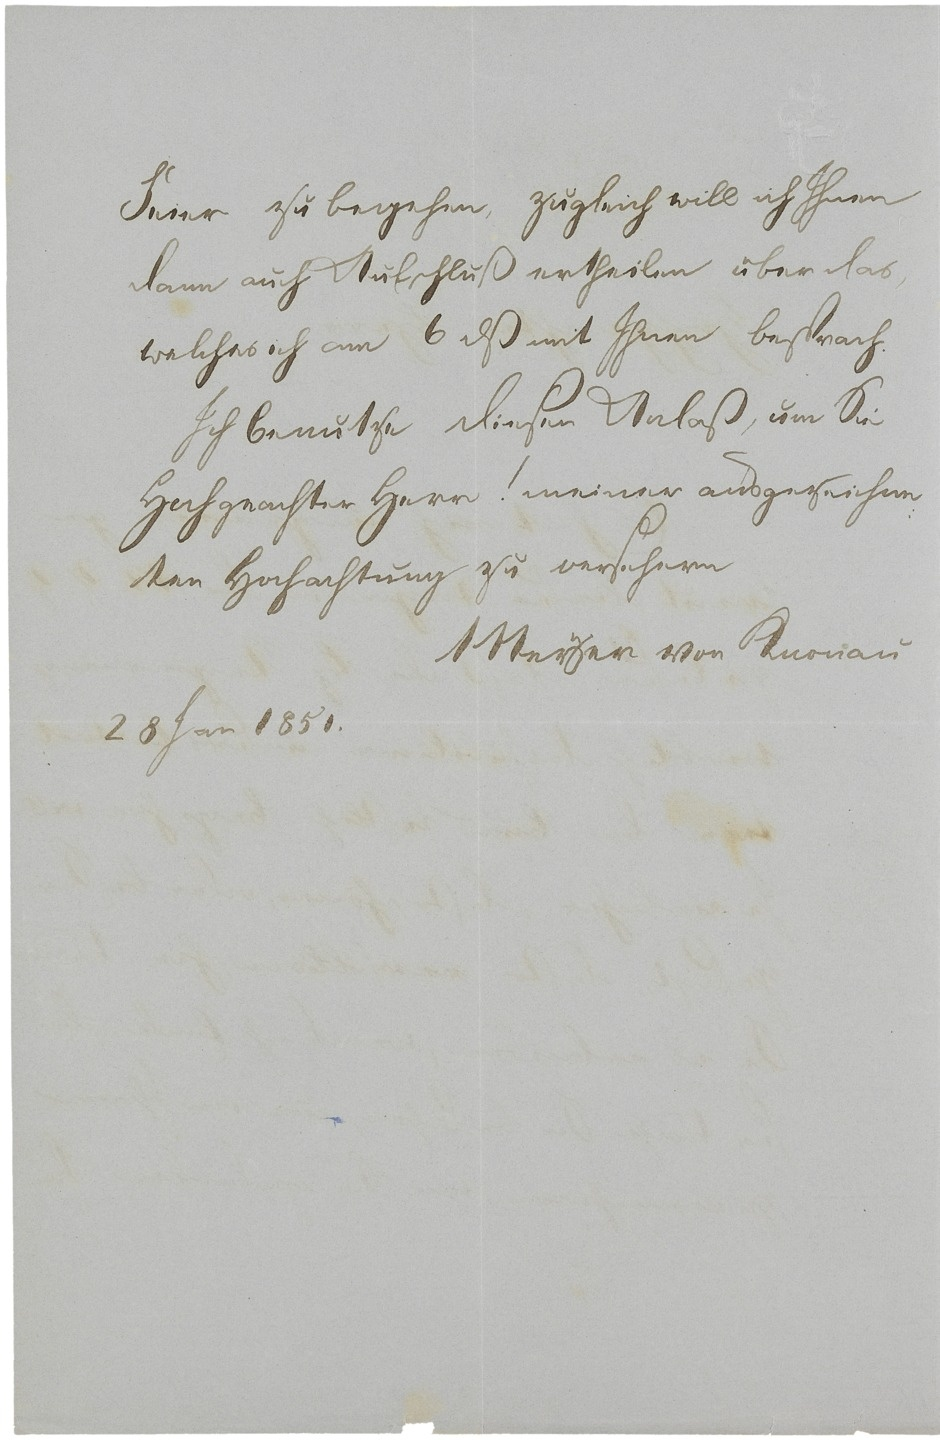Feier zu begehen, zugleich will ich Ihnen
dann auch Aufschluß ertheilen über das,
welches ich am 6dß mit Ihnen besprach.
Ich benutze diesen Anlaß, um Sie
Hochgeachter Herr! meiner ausgezeichne-
ten Hochachtung zu versichern
Meyer von Knonau
28 Jan 1851.